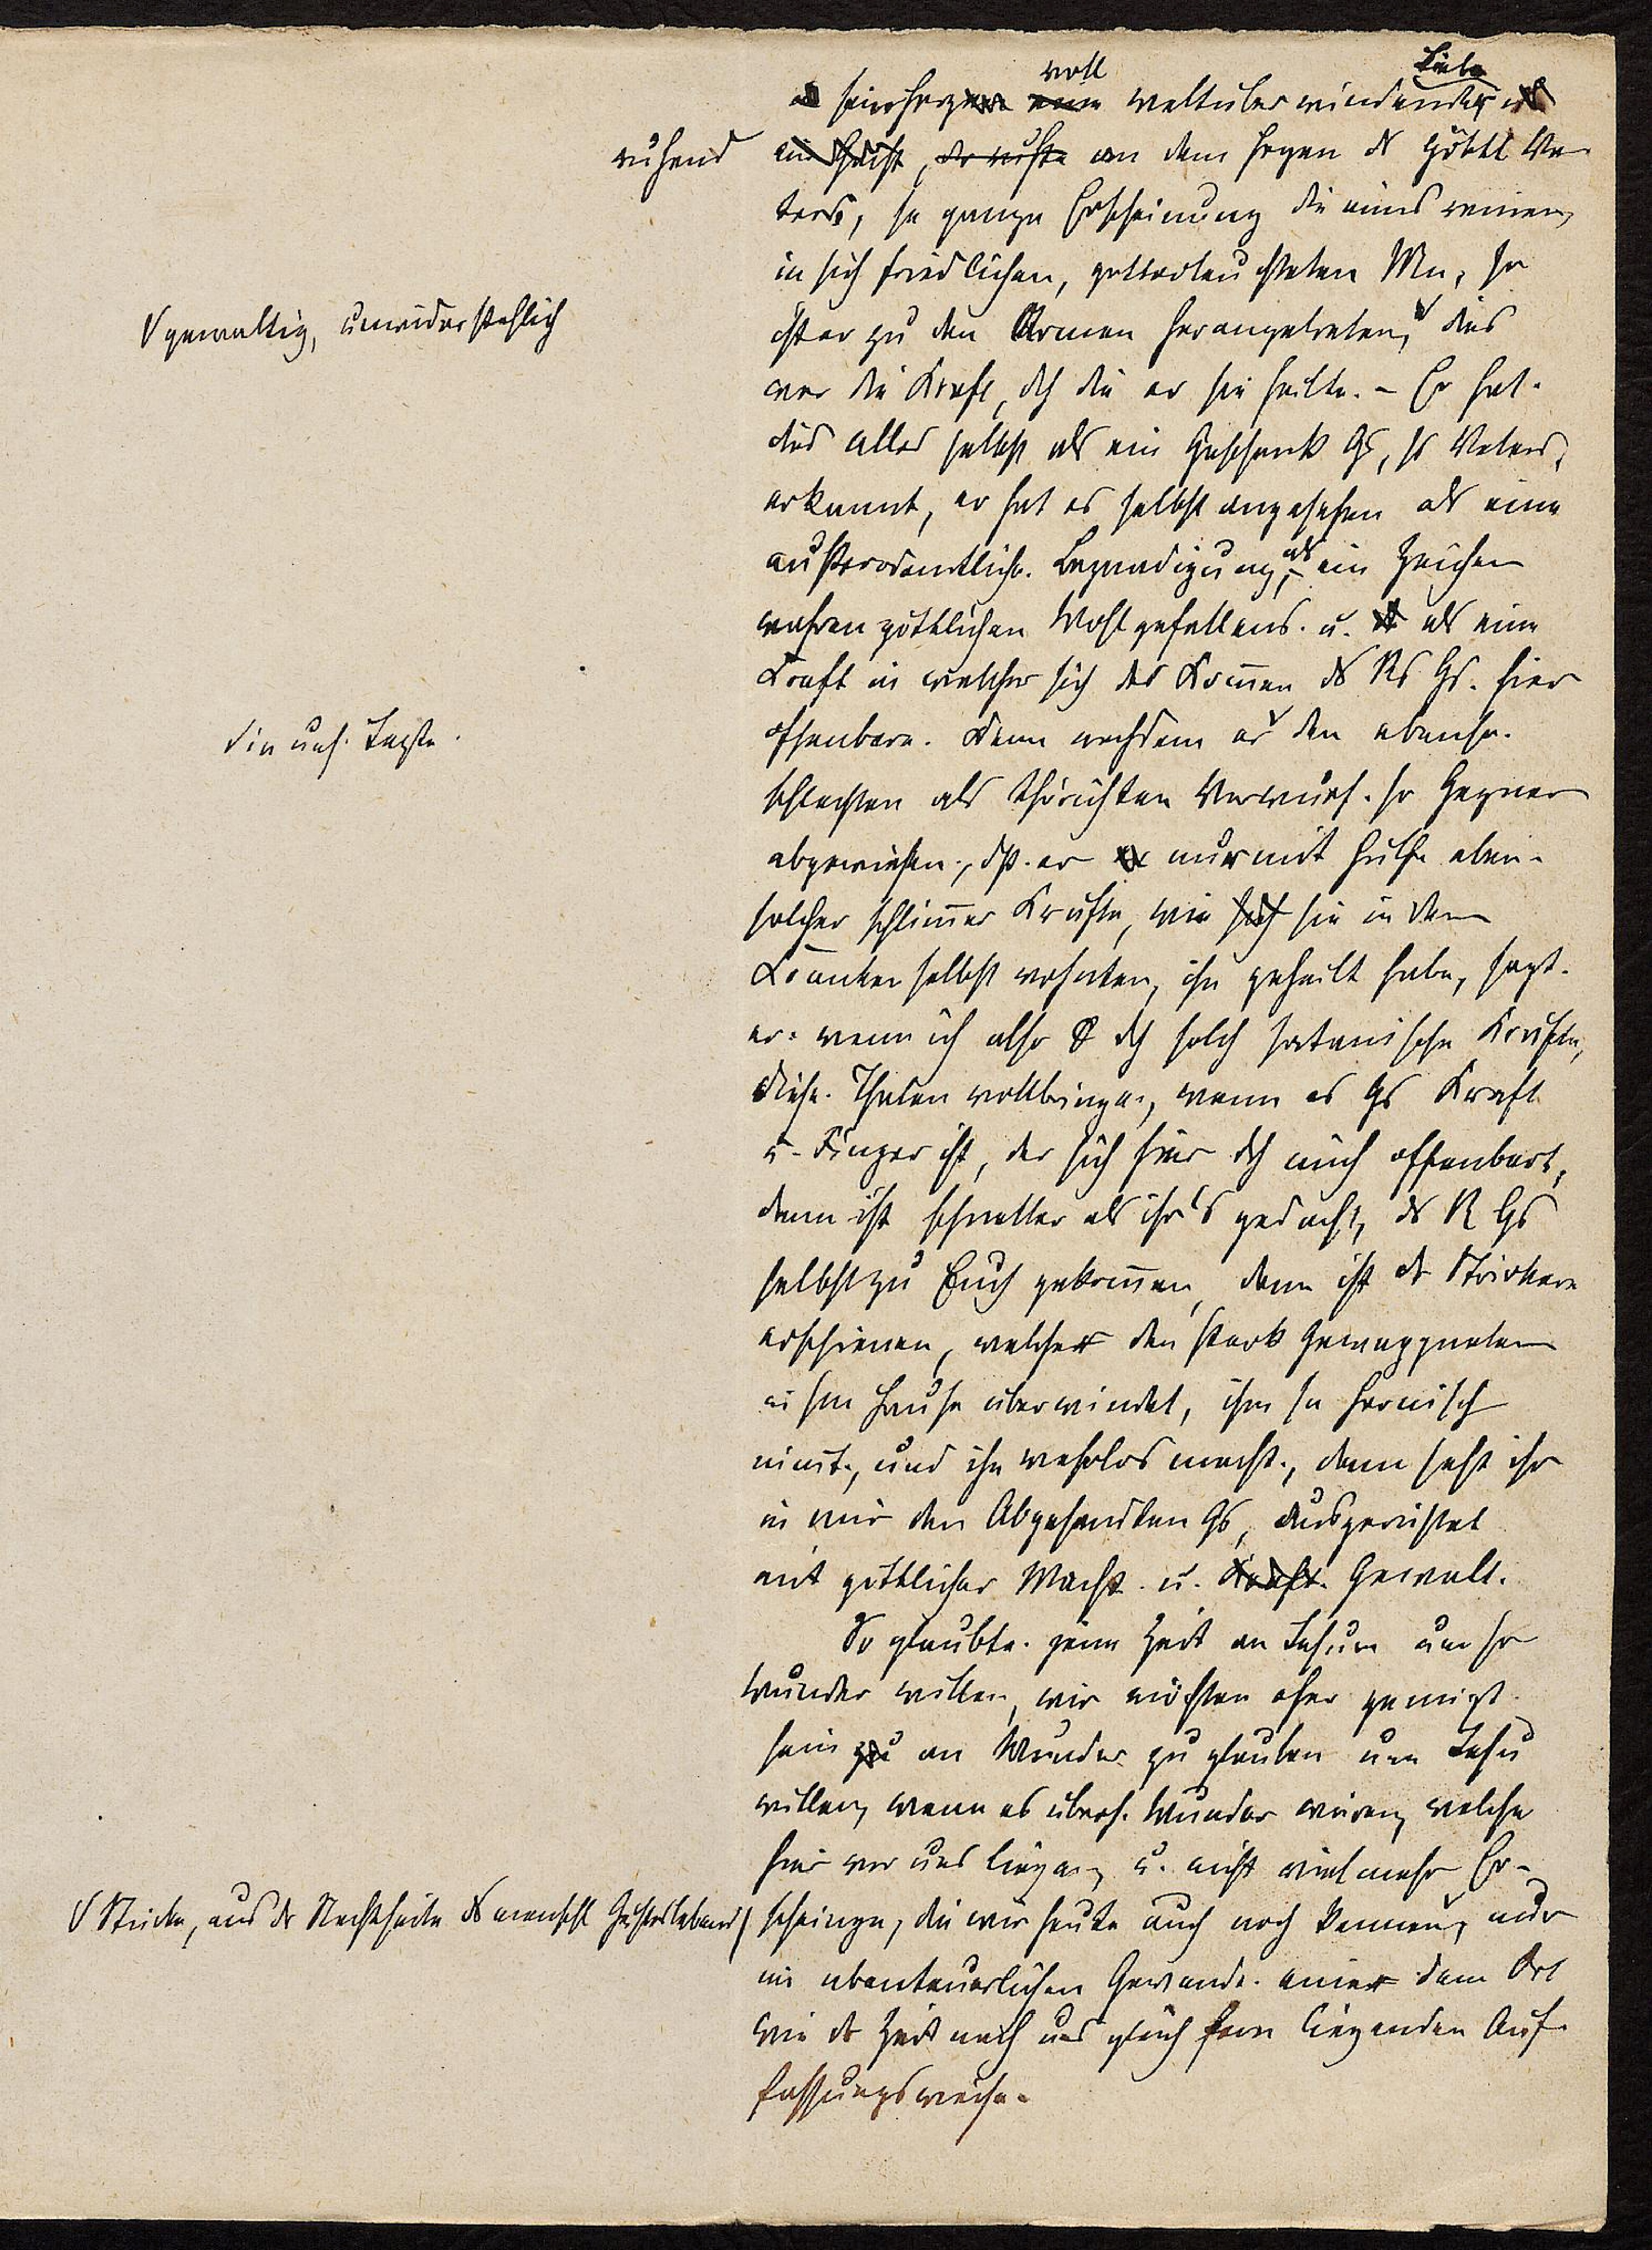V gewaltig, unwiderstehlich
V in uns. Texte.
V Stücke, aus dr Nechtseite ds ds menschl Geisteslebens
ruhend
Liebe
voll
sein Herzen rein weltüberwindender üb
ein Geist, der ruhte an dem Segen ds Göttl. Va¬
ters, sn ganze Erscheinung die eines reinen,
in sich friedlichen, gotterleuchteten Mn, so
ist er zu den Armen herangetreten, dies
war die Kraft, dch die er sie heilte. _ Er hat
dies alles selbst als ein Geschenk Gs, ss Vaters,
erkannt, er hat es selbst angesehen als eine
außerordentliche Begnadigung, als ein Zeichen
wahren göttlichen Wohlgefallens. u. als eine
Kraft in welcher sich des Komen ds Rs. Gottes hier
offenbare. Denn nachdem er den ebenso
schlechten als thörichten Vorwurf sr Gegner
abgewiesen, dß er nur mit Hilfe eben¬
solcher schlimer Kräft, wie sich sie in dem
Kranken selbst wohnten, ihn geheilt habe, sagt.
er: wenn ich also o dch solch satanischen Kräfte,
diese Thaten vollbringe, wenn es Gs Kraft
u. Finder ist, der sich hier dch mich offenbart,
dann ist schneller als ihr's gedacht, ds R Gs
selbst zu Euch gekomen, dann ist dr Stärkere
erschienen, welcher den stark Gewappneten
in sm Hause überwindet, ihn sn Harnisch
nimt, und ihn wehrlos macht, dann seht ihr
in mir den Abgesandten Gs, ausgerüstet
mit göttlicher Macht u. Kraft Gewalt.
So glaubte jene Zeit an Jesum um sr
Wunder willen, wir möchten eher geneigt
sein zu an Wunder zu glauben um Jesu
willen, wenn es überh. Wunder wären, welche
hier vor uns lägen, u. nicht viel mehr Er¬
scheingn, die wir heute auch noch kennen, nur
in abenteuerlichem Gewande einer dem Ort
wie der Zeich nach uns gleich fern liegenden Auf¬
fassungsweise.